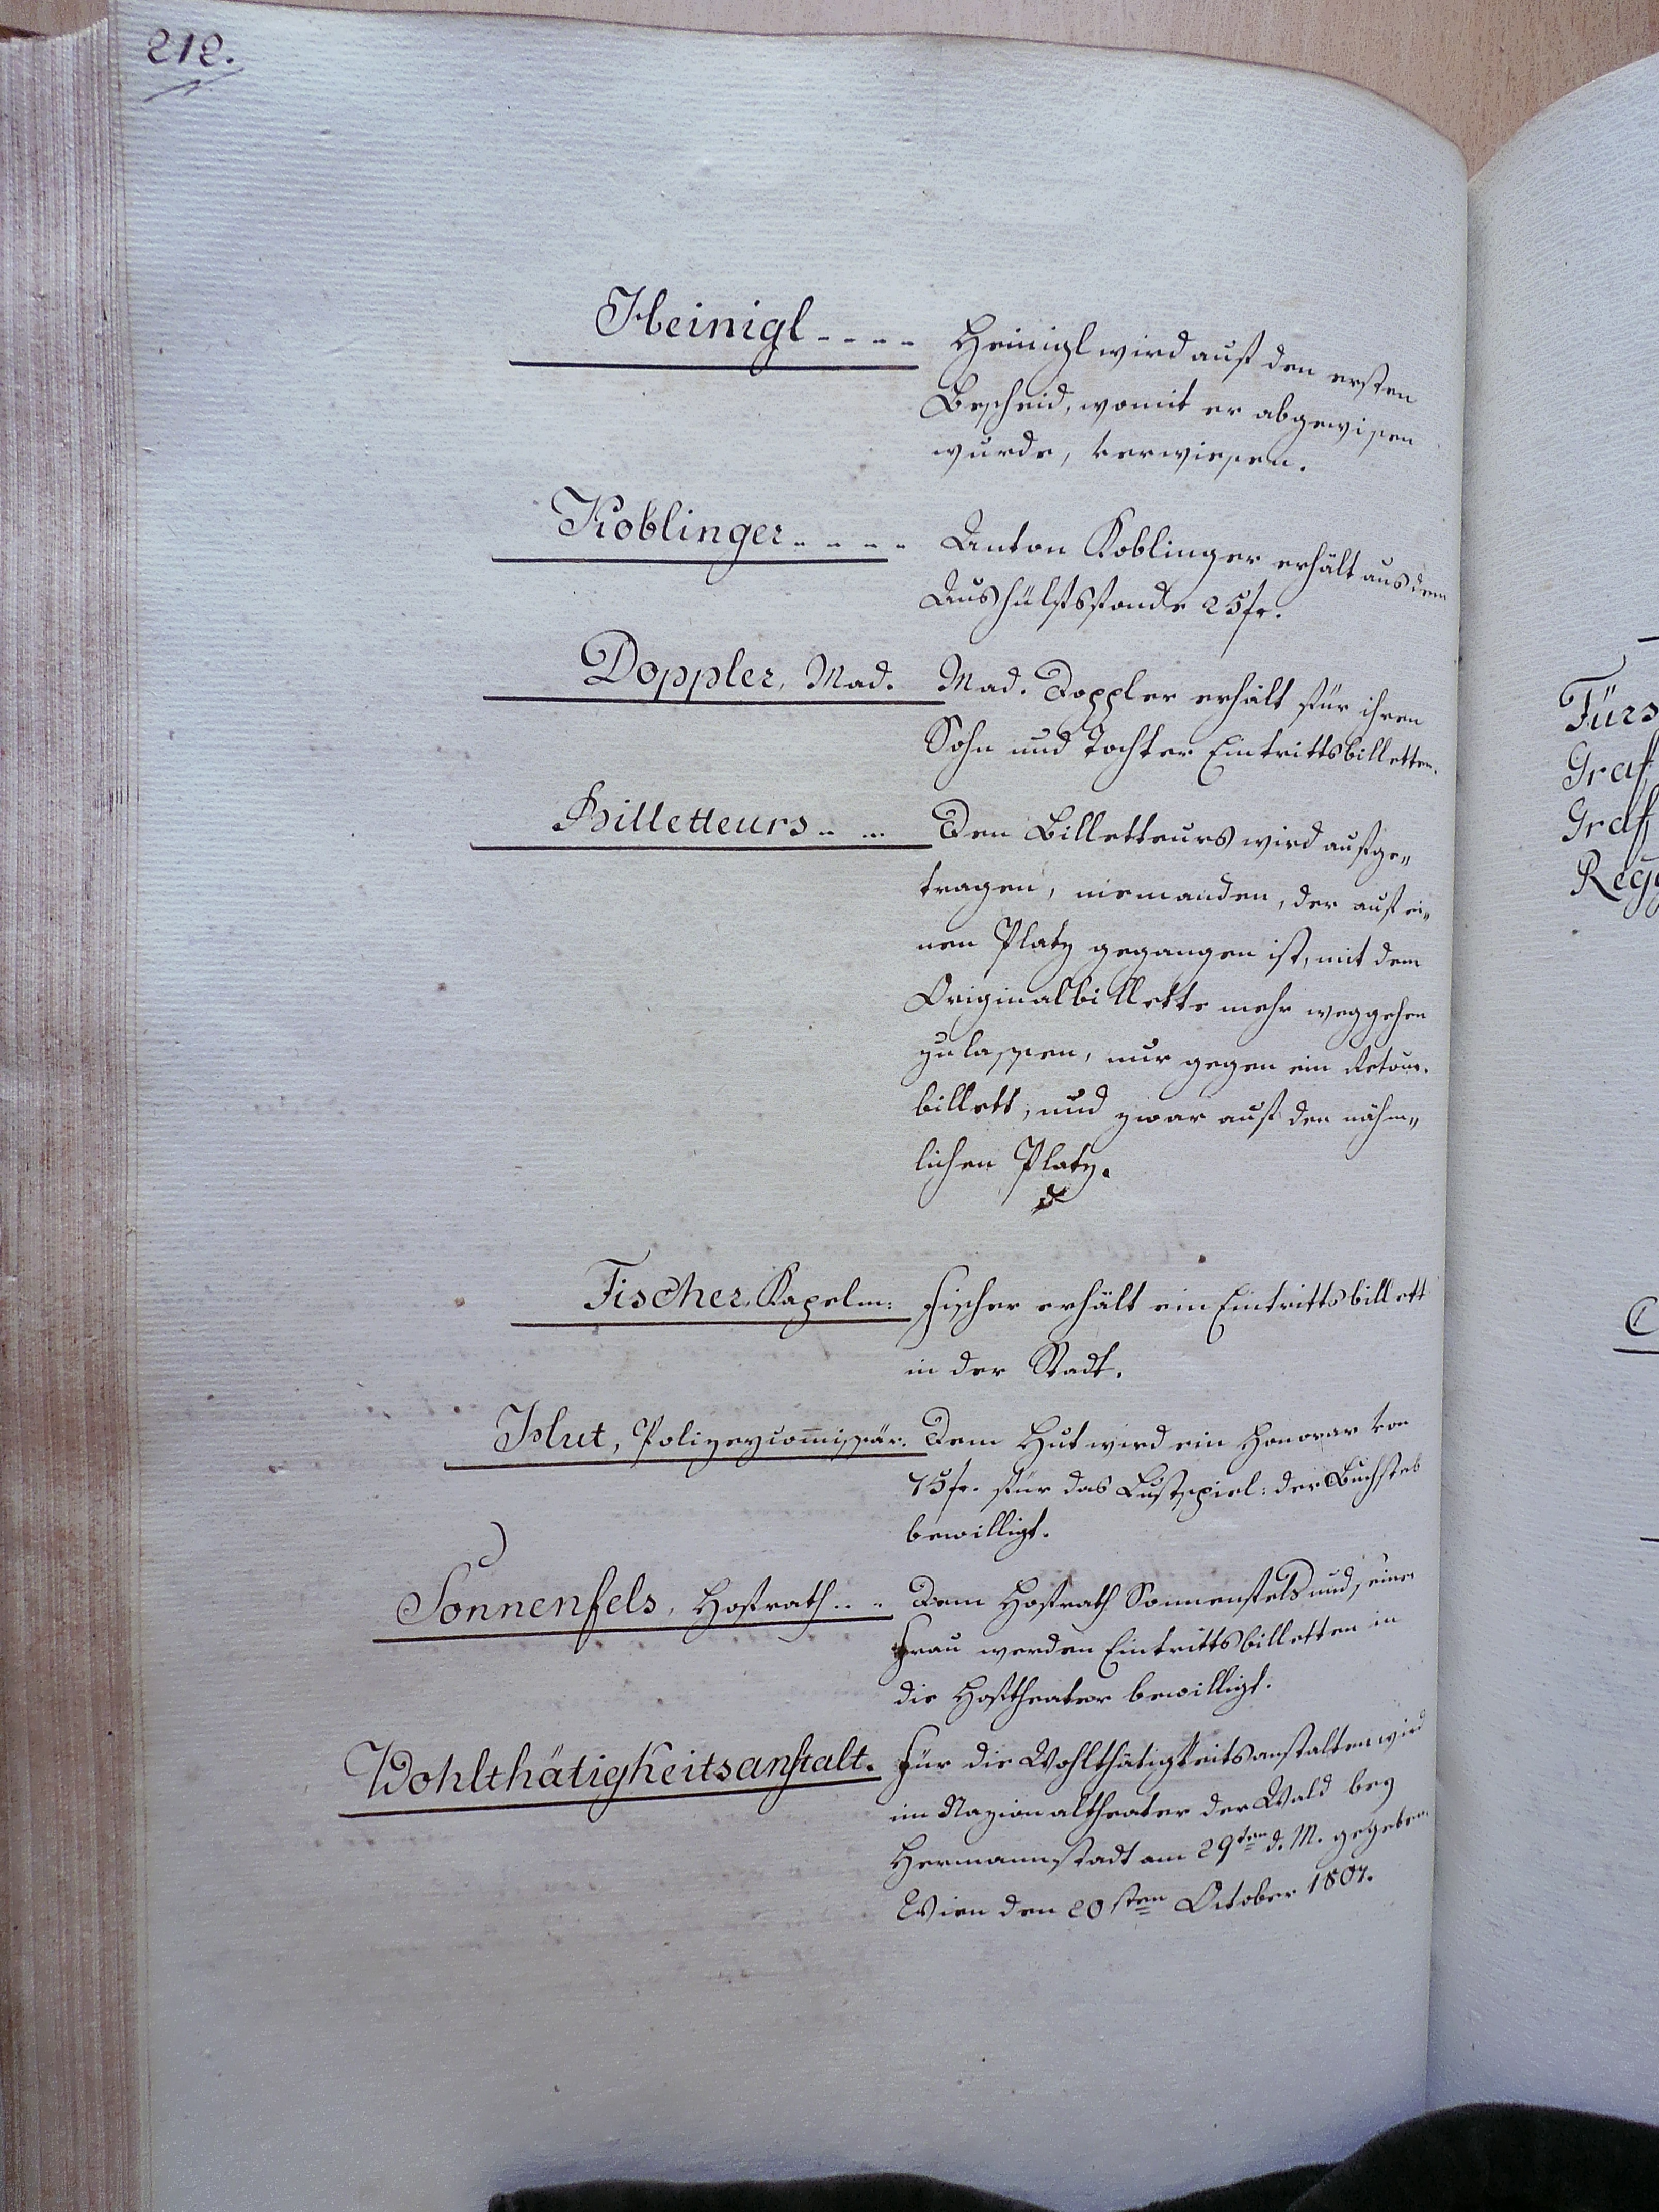212.
Heinigl .. .. .. .. Heinigl wird auf den ersten
Bescheid, womit er abgewisen
wurde, verwiesen.
Koblinger .. .. .. .. Anton Koblinger erhält aus dem
Aushülfsfonde 25fr.
Doppler, Mad. Mad Doppler erhält für ihren
Sohn und Tochter Eintrittsbillette.
Billetteurs .. ... Den Billetteurs wird aufge¬
tragen, niemanden, der auf ei¬
nen Platz gegangen ist, mit dem
Originalbillette mehr weggehen
zulassen, nur gegen ein Retour¬
billett, und zwar auf den nähm¬
lichen Platz.
Fischer, Kapelm: Fischer erhält ein Eintrittsbillett
in der Stadt.
Hut, Polizeycom̅issär. Dem Hut wird ein Honorar von
75fr. für das Lustspiel: der Buchstab
bewilligt.
Sonnenfels, Hofrath . . .. Dem Hofrath Sonnenfels und seiner
Frau werden Eintrittsbilletten in
die Hoftheater bewilligt.
Wohlthätigkeitsanstalt. Für die Wohlthätigkeitsanstalten wird
im Nazionaltheater der Wald bey
Hermannstadt am 29te͇n d.M. gegeben.
Wien den 20ste͇n October 1807.